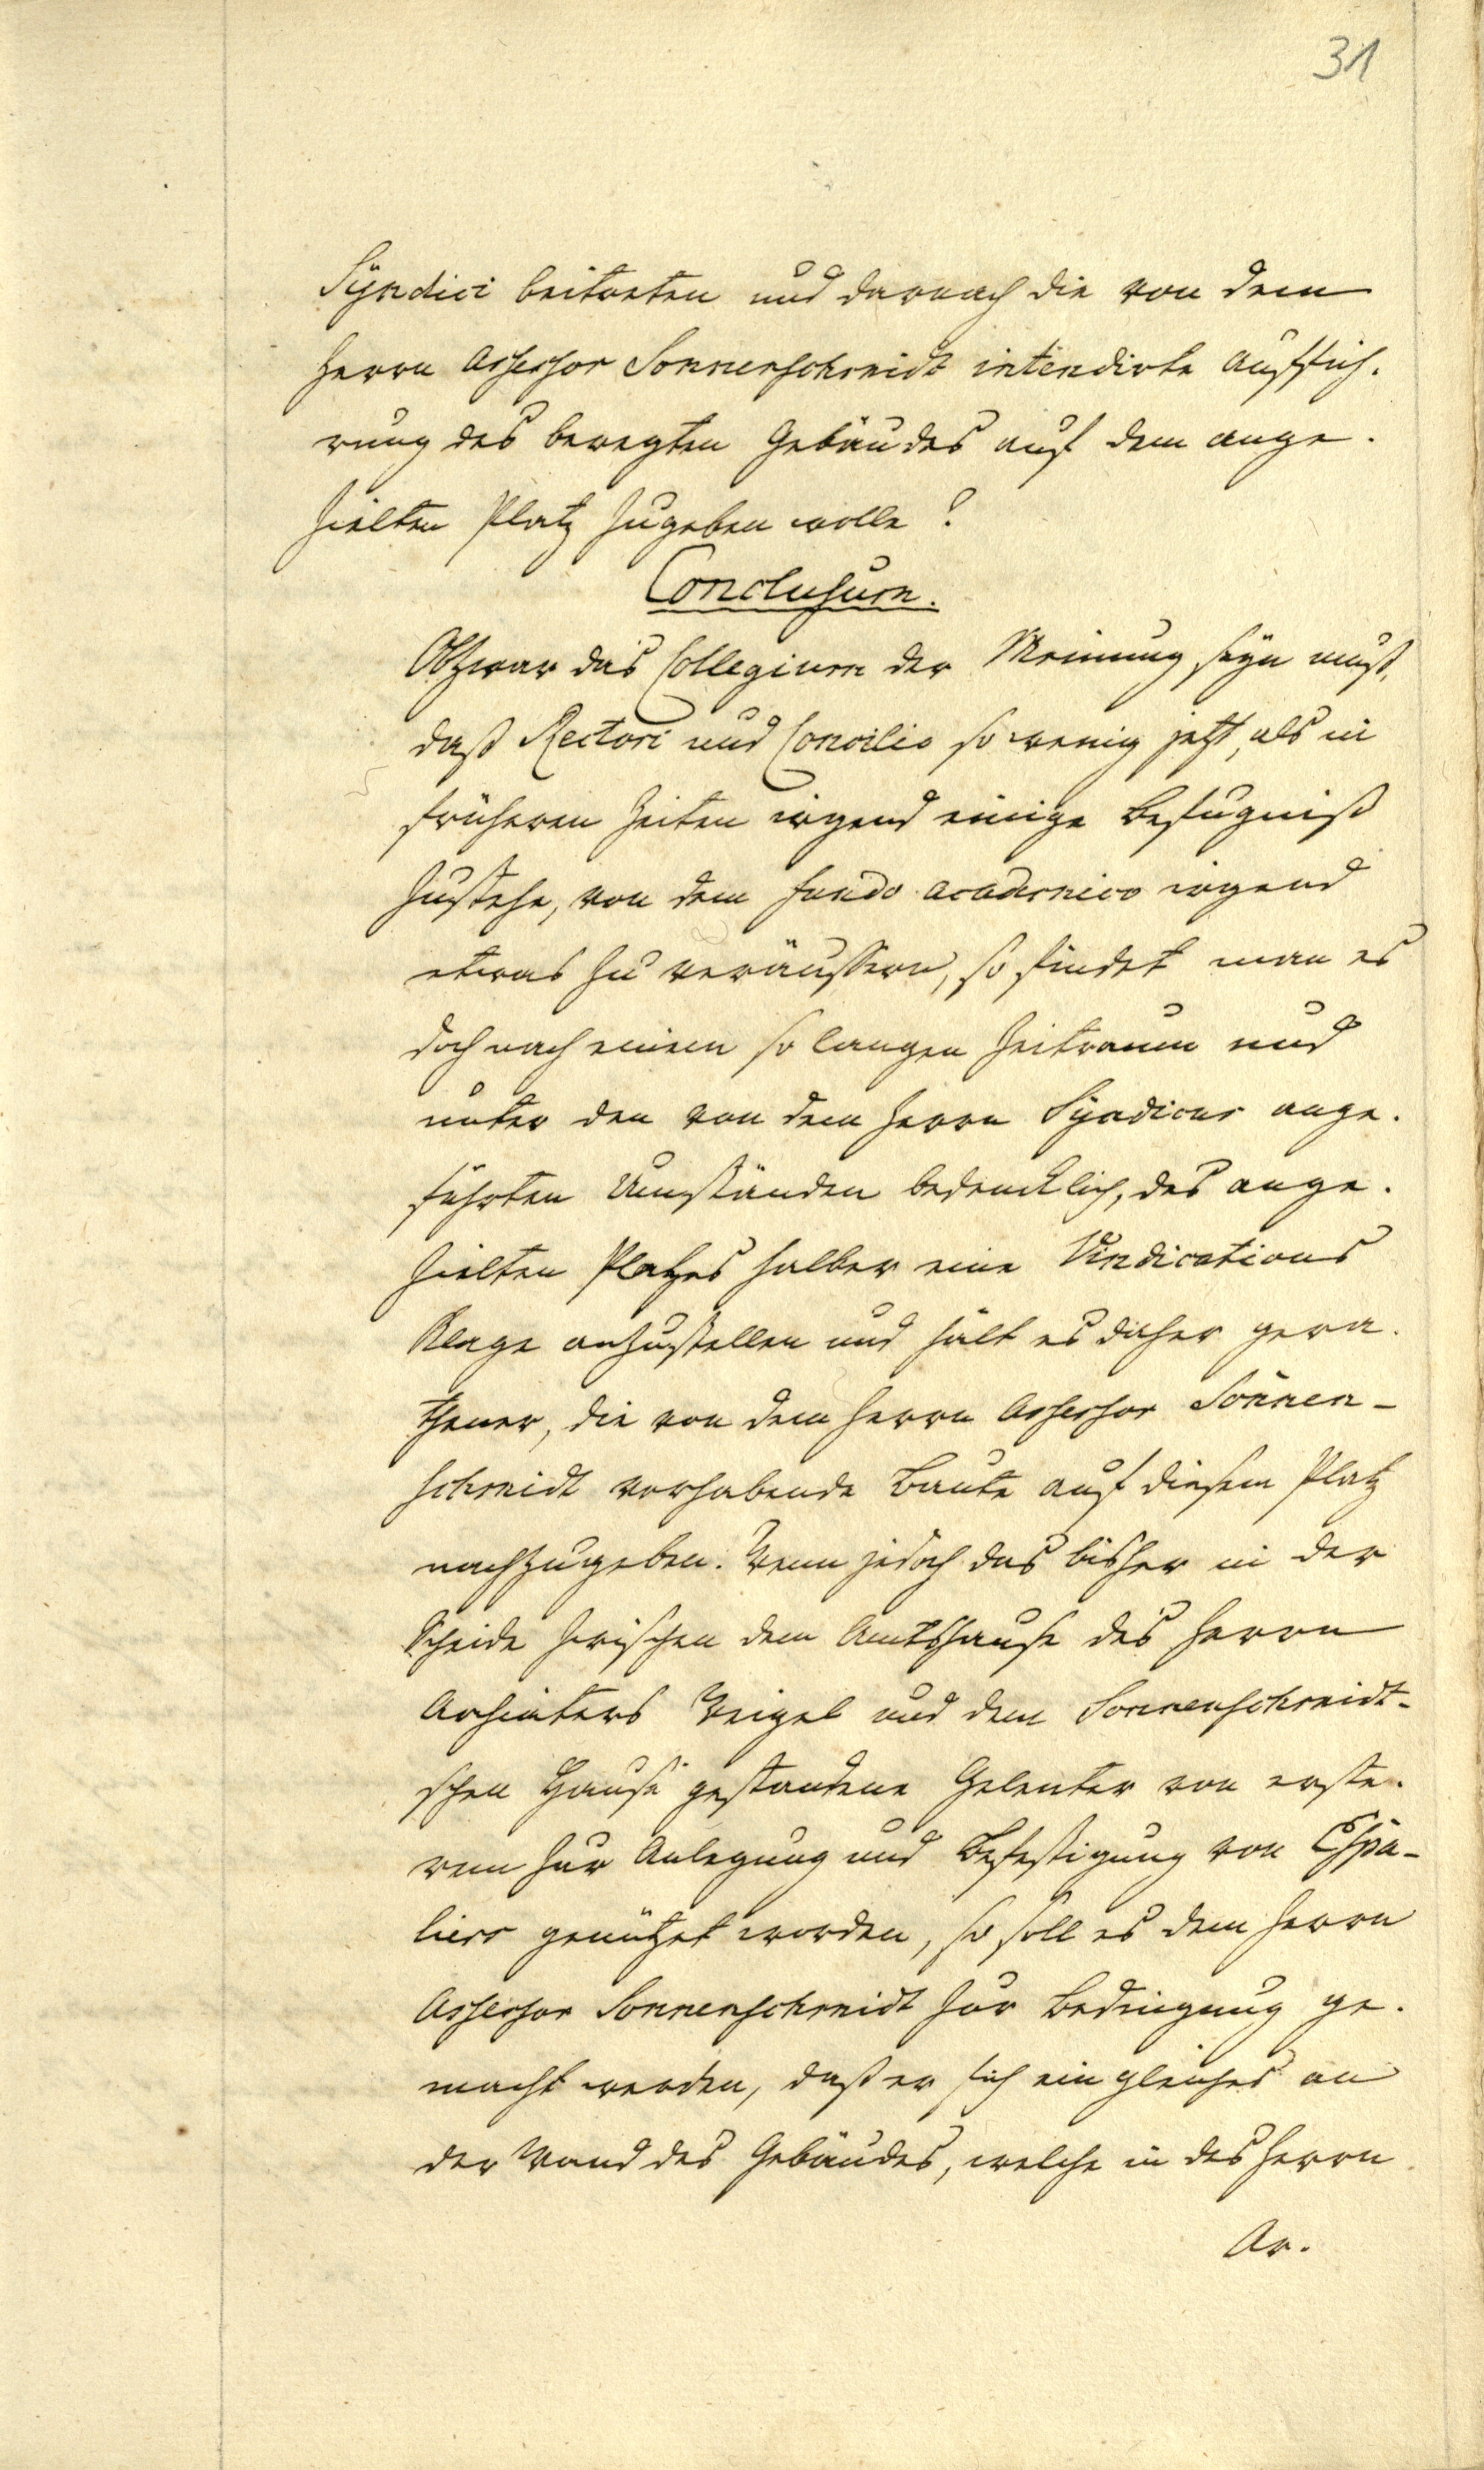Sÿndici beitreten und darnach die von dem
herrn Assessor Sonnenschmidt intendirte Auffüh¬
rung des bewegten Gebäudes auf dem ange¬
zielten Platz zugeben wolle!
Conclusum
Obzwar das Collegium der Meinung seÿn muß,
daß Rectori und Concilio so wenig jetzt, als in
früheren Zeiten irgend einige Befugniß
zustehe, von dem fundo academico irgend
etwas zu veräussern, so findet man es
doch nach einem so langen Zeitraum und
unter den von dem herrn Sÿndicus ange¬
führten Umständen bedencklich, des ange¬
zielten Platzes halber eine Vindications¬
Klage anzustellen und hält es daher gera¬
thener, die von dem herrn Assessor Sonnen¬
schmidt vorhabende Baute auf diesem Platz
nachzugeben. Wenn jedoch das bisher in der
Scheide zwischen dem Amtshause des herrn
Archiaters Weigel und dem Sonnenschmidt¬
schen Hause gestandene Gelenter von erste¬
rem zur Anlegung und Befestigung von Espa¬
liers genützet worden, so soll es dem herrn
Assessor Sonnenschmidt zur Bedingung ge¬
macht werden, daß er sich ein gleiches an
der Wand des Gebäudes, welche in des herrn
Ar